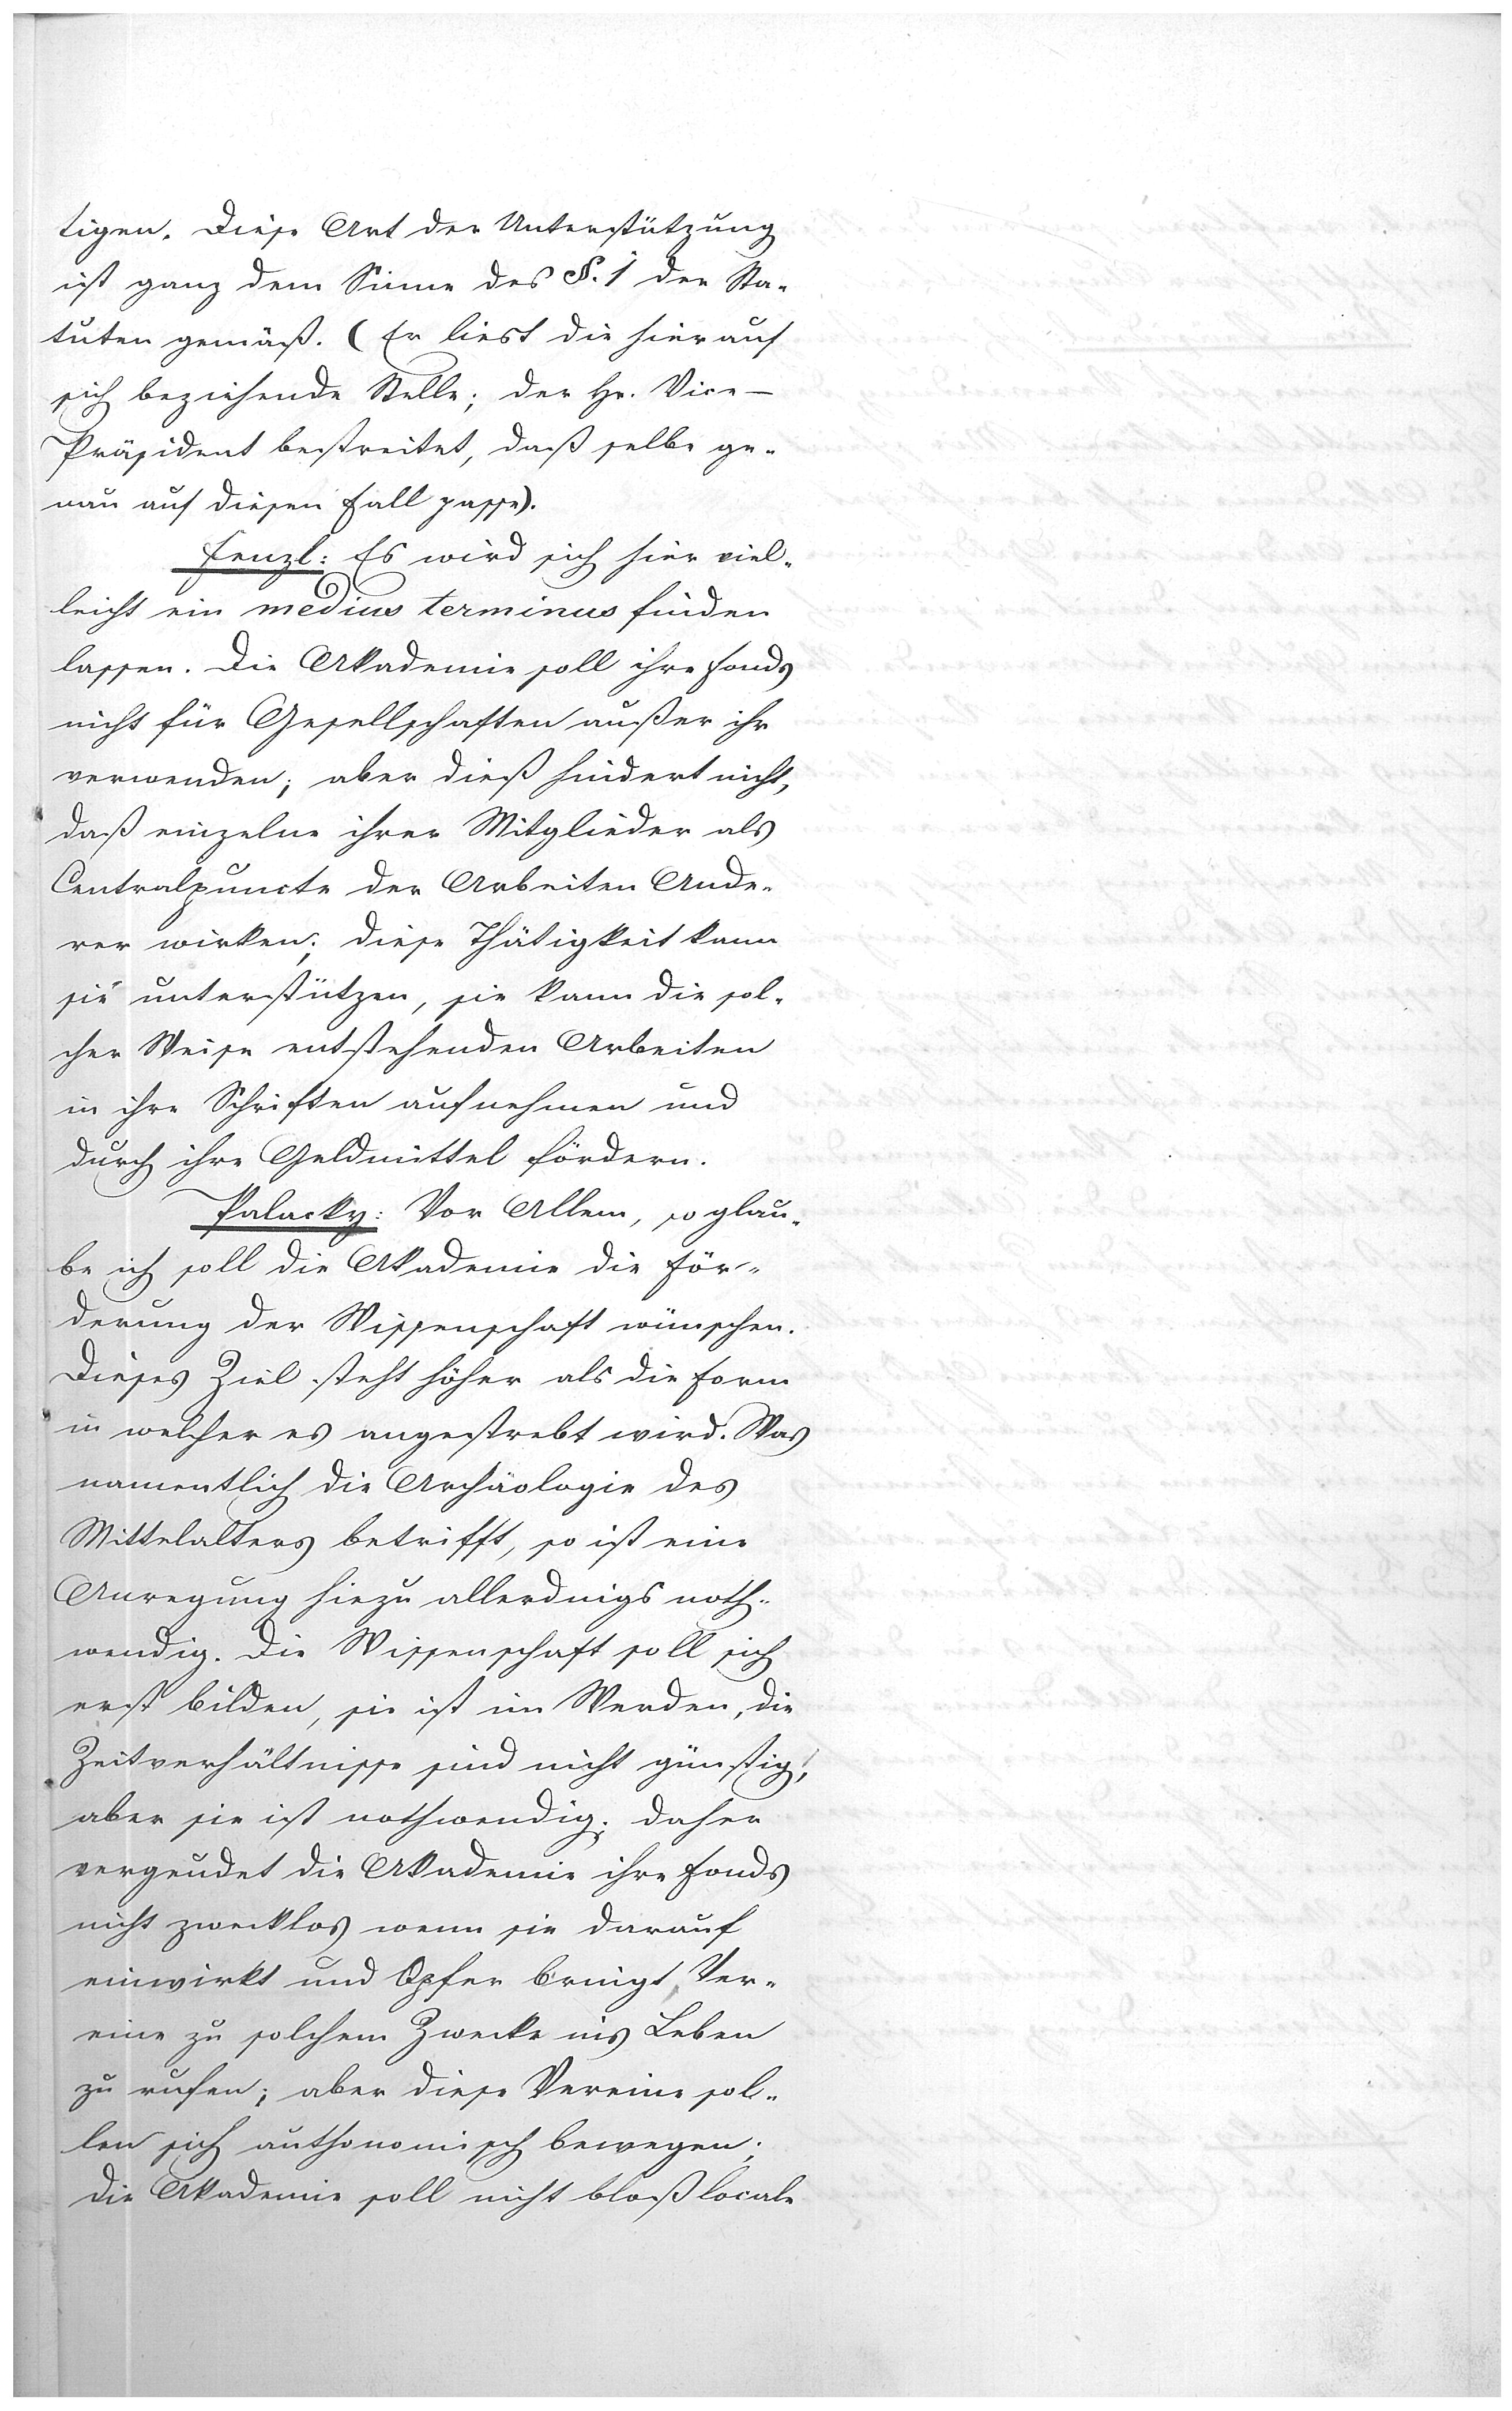tigen, diese Art der Unterstützung
ist ganz dem Sinne des §. 1 der Sta-
tuten gemäß. (Er liest die hier auf
sich beziehende Stelle; der Hr. Vice-
Präsident bestreitet, daß selbe ge-
mau auf diesen Fall passe).
Fenzl: Es wird sich hier viel-
leicht ein medius terminus finden
lassen. Die Akademie soll ihre Fonde
nicht für Gesellschaften außer ihr
verwenden, aber dieß hindert nicht,
daß einzelne ihrer Mitglieder als
Centralpuncte der Arbeiten Ande-
rer wirken; diese Thätigkeit kann
sie unterstützen, sie kann die sol-
cher Weise entstehenden Arbeiten
in ihre Schriften aufnehmen und
durch ihre Geldmittel fördern.
Palacky: Vor Allem, so glau-
be ich soll die Akademie die För-
derung der Wissenschaft wünschen.
Dieses Ziel steht höher als die Form
in welcher es angestrebt wird. Was
namentlich die Archäologie des
Mittelalters betrifft, so ist eine
Anregung hiezu allerdings noth-
wendig. Die Wissenschaft soll sich
erst bilden, sie ist im Werden, die
Zeitverhältnisse sind nicht günstig,
aber sie ist nothwendig; daher
vergeudet die Akademie ihre Fonde
nicht zwecklos wenn sie darauf
einwirkt und Opfer bringt Ver-
eine zu solchem Zwecke ins Leben
zu rufen; aber diese Vereine sol-
len sich authonomisch bewegen;
Die Akademie soll nicht bloß Local-